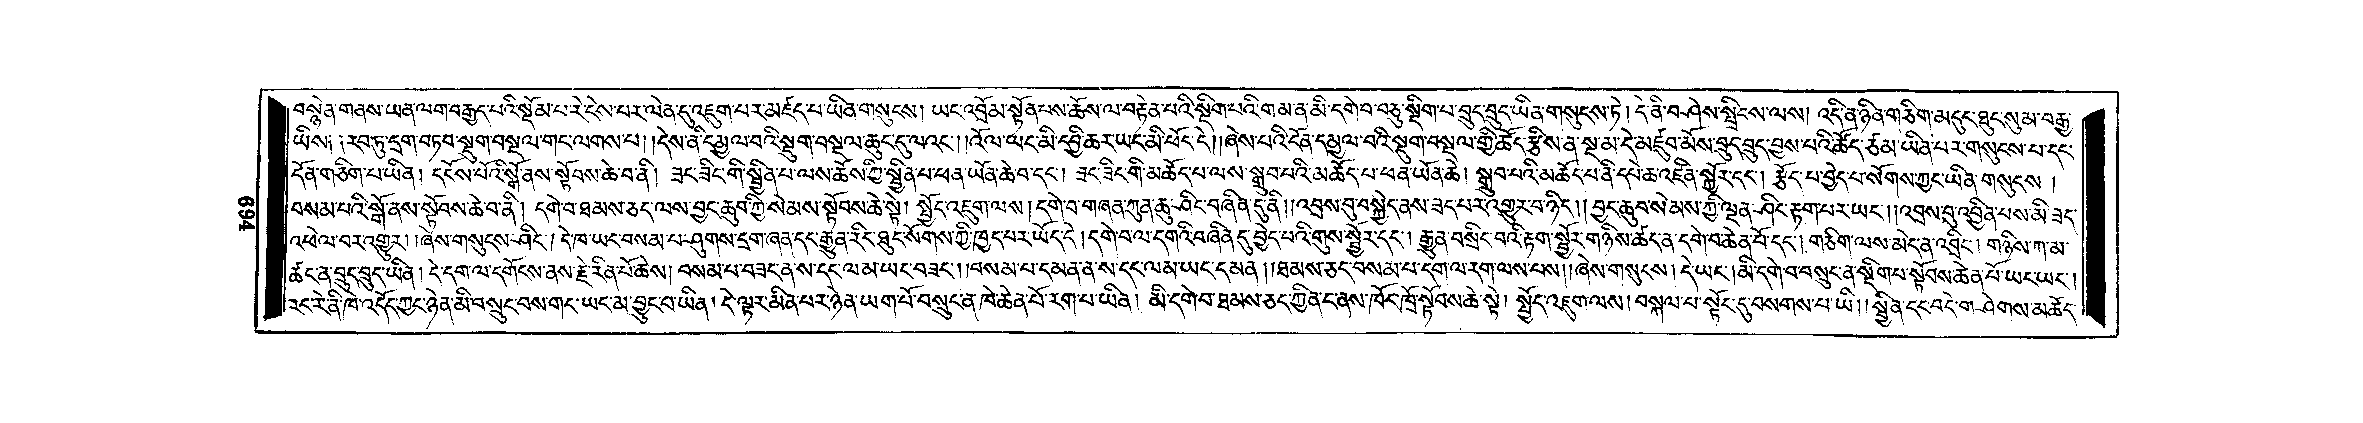བསྙེན་གནས་ཡན་ལག་བརྒྱད་པའི་སྡོམ་པ་རེ་ངེས་པར་ལེན་དུ་འཇུག་པར་མཛད་པ་ཡིན་གསུངས། ཡང་འབྲོམ་སྟོན་པས་ཆོས་ལ་བརྟེན་པའི་སྡིག་པའི་གམ་ན་མི་དགེ་བ་བཅུ་སྡིག་པ་བྲུད་བྲུད་ཡིན་གསུངས་ཏེ། དེ་ནི་བཤེས་སྤྲིངས་ལས། འདི་ན་ཉིན་གཅིག་མདུང་ཐུང་སུམ་བརྒྱ་
ཡིས། །རབ་ཏུ་དྲག་བཏབ་སྡུག་བསྔལ་གང་ལགས་པ། །དེས་ནི་དམྱལ་བའི་སྡུག་བསྔལ་ཆུང་དུ་ལའང་། །འོལ་ཡང་མི་དབྱི་ཆར་ཡང་མི་ཕོད་དེ། །ཞེས་པའི་དོན་དམྱལ་བའི་སྡུག་བསྔལ་གྱི་ཚོད་རྩིས་ན་སྔ་མ་དེ་མཛུབ་མོས་བྲུད་བྲུད་བྱས་པའི་ཚོད་ཙམ་ཡིན་པར་གསུངས་པ་དང་
དོན་གཅིག་པ་ཡིན། དངོས་པོའི་སྒོ་ནས་སྟོབས་ཆེ་བ་ནི། ཟང་ཟིང་གི་སྦྱིན་པ་ལས་ཆོས་ཀྱི་སྦྱིན་པ་ཕན་ཡོན་ཆེ་བ་དང་། ཟང་ཟིང་གི་མཆོད་པ་ལས་སྒྲུབ་པའི་མཆོད་པ་ཕན་ཡོན་ཆེ། སྒྲུབ་པའི་མཆོད་པ་ནི་དཔེ་ཆ་འཛིན་སྐྱོར་དང་། རྩོད་པ་བྱེད་པ་སོགས་ཀྱང་ཡིན་གསུངས།
བསམ་པའི་སྒོ་ནས་སྟོབས་ཆེ་བ་ནི། དགེ་བ་ཐམས་ཅད་ལས་བྱང་ཆུབ་ཀྱི་སེམས་སྟོབས་ཆེ་སྟེ། སྤྱོད་འཇུག་ལས། དགེ་བ་གཞན་ཀུན་ཆུ་ཤིང་བཞིན་དུ་ནི། །འབྲས་བུ་བསྐྱེད་ནས་ཟད་པར་འགྱུར་བ་ཉིད། །བྱང་ཆུབ་སེམས་ཀྱི་ལྡན་ཤིང་རྟག་པར་ཡང་། །འབྲས་བུ་འབྱིན་པས་མི་ཟད་
འཕེལ་བར་འགྱུར། །ཞེས་གསུངས་ཤིང་། དེ་ཁ་ཡང་བསམ་པ་ཤུགས་དྲག་ཞན་དང་རྒྱུན་རིང་ཐུང་སོགས་ཀྱི་ཁྱད་པར་ཡོད་དེ། དགེ་བ་ལ་དགའི་བཞིན་དུ་བྱེད་པའི་གུས་སྦྱོར་དང་། རྒྱུན་བསྲིང་བའི་རྟག་སྦྱོར་གཉིས་ཚད་ན་དགེ་བ་ཆེན་པོ་དང་། གཅིག་ལས་མེད་ན་འབྲིང་། གཉིས་ཀ་མ་
ཚང་ན་བྲུད་བྲུད་ཡིན། དེ་དག་ལ་དགོངས་ནས་རྗེ་རིན་པོ་ཆེས། བསམ་པ་བཟང་ན་ས་དང་ལམ་ཡང་བཟང་། །བསམ་པ་དམན་ན་ས་དང་ལམ་ཡང་དམན། །ཐམས་ཅད་བསམ་པ་དག་ལ་རག་ལས་པས། །ཞེས་གསུངས། དེ་ཡང་། མི་དགེ་བ་བསྲུང་ན་སྡིག་པ་སྟོབས་ཆེན་པོ་ཡང་ཡང་།
རང་རེ་ནི་ཁེ་འདོད་ཀྱང་ཉེན་མི་བསྲུང་བས་གང་ཡང་མ་བྱུང་བ་ཡིན། དེ་ལྟར་མིན་པར་ཉེན་ཡག་པོ་བསྲུང་ན་ཁེ་ཆེན་པོ་རག་པ་ཡིན། མི་དགེ་བ་ཐམས་ཅད་ཀྱིན་ང་ནས་ཁོང་ཁྲོ་སྟོབས་ཆེ་སྟེ། སྤྱོད་འཇུག་ལས། བསྐལ་པ་སྟོང་དུ་བསགས་པ་ཡི། །སྦྱིན་དང་བདེ་གཤེགས་མཆོད་